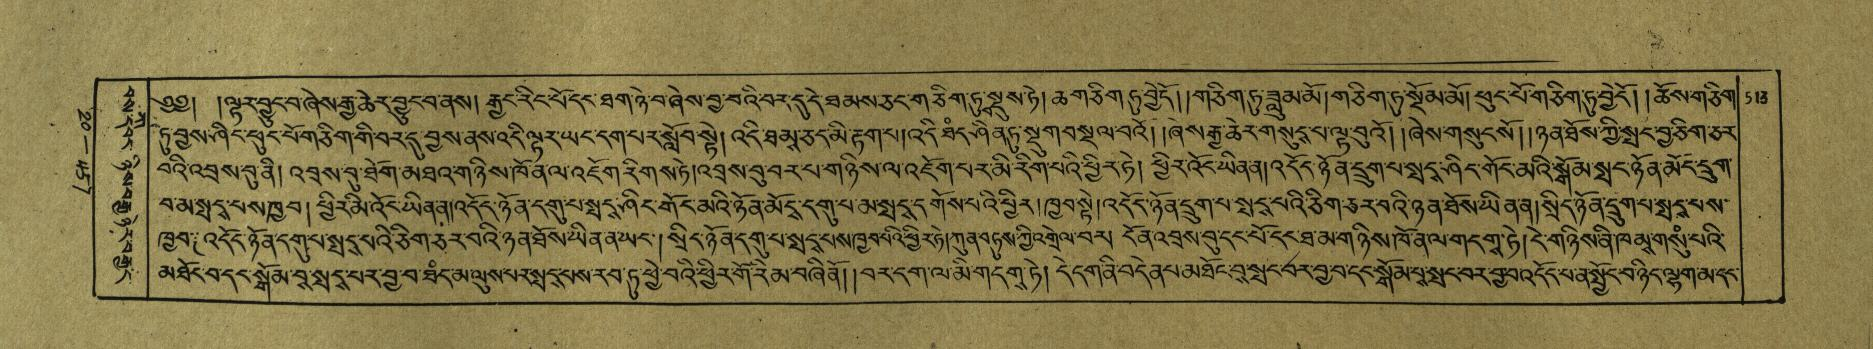༄༅། །ལྟར་བྱུང་བ་ཞེས་རྒྱ་ཆེར་བྱུང་བ་ནས། རྒྱང་རིང་པོ་དང་ཐག་ཉེ་བ་ཞེས་བྱ་བའི་བར་དུ་དེ་ཐམས་ཅད་གཅིག་ཏུ་སྡུས་ཏེ། ཆ་གཅིག་ཏུ་བྱེ་དོ། །གཅིག་ཏུ་ཟླུམ་མོ། གཅིག་ཏུ་སྡོམ་མོ། ཕུང་པོ་གཅིག་ཏུ་བྱེ་དོ། །ཆོས་གཅིག་
ཏུ་བྱས་ཤིང་ཕུང་པོ་གཅིག་གི་བར་དུ་བྱས་ནས་འདི་ལྟར་ཡང་དག་པར་སློབ་སྟེ། འདི་ཐམས་ཅད་མི་རྟག་པ། འདི་ཐཾད་ཤིན་ཏུ་སྡུག་བསྔལ་བའོ། །ཞེས་རྒྱ་ཆེར་གསུངས་པ་ལྟ་བུའོ། །ཞེས་གསུངས་སོ། །ཉན་ཐོས་ཀྱི་སྤང་བྱ་ཅིག་ཅར་
བའི་འབྲས་བུ་ནི། འབྲས་བུ་ཐོག་མཐའ་གཉིས་ཁོ་ན་ལ་འཇོག་རིགས་ཏེ། འབྲས་བུ་བར་པ་གཉིས་ལ་འཇོག་པར་མི་རིག་པའི་ཕྱིར་ཏེ། ཕྱིར་འོང་ཡིན་ན། འདོད་ཉོན་དྲུག་པ་སྤངས་ཤིང་གོང་མའི་སྒོམ་སྤང་ཉོན་མོང་དྲུག་
བ་མ་སྤངས་པས་ཁྱབ། ཕྱིར་མི་འོང་ཡིན་ན། འདོད་ཉོན་དགུ་པ་སྤངས་ཤིང་གོང་མའི་ཉོན་མོངས་དགུ་པ་མ་སྤང་དགོས་པའི་ཕྱིར། ཁྱབ་སྟེ། འདོད་ཉོན་དྲུག་པ་སྤངས་པའི་ཅིག་ཅར་བའི་ཉན་ཐོས་ཡིན་ན། སྲིད་ཉོན་དྲུག་པ་སྤངས་པས་
ཁྱབ༑ འདོད་ཉོན་དགུ་པ་སྤངས་པའི་ཅིག་ཅར་བའི་ཉན་ཐོས་ཡིན་ན་ཡང་། སྲིད་ཉོན་དགུ་པ་སྤངས་པས་ཁྱབ་པའི་ཕྱིར་ཏེ། ཀུན་བཏུས་ཀྱི་འགྲེལ་བར། དོན་འབྲས་བུ་དང་པོ་དང་ཐ་མ་གཉིས་ཁོ་ན་ལ་གདགས་ཏེ། དེ་གཉིས་ནི་ཁམས་གསུཾ་པའི་
མཐོང་བ་དང་སྒོམ་བས་སྤངས་པར་བྱ་བ་ཐཾད་མ་ལུས་པར་སྤངས་པས་རབ་ཏུ་ཕྱེ་བའི་ཕྱིར་གོ་རིམ་བཞིན་ནོ། །བར་དག་ལ་མི་གདགས་ཏེ། དེ་དག་ནི་བདེན་པ་མཐོང་བས་སྤང་བར་བྱ་བ་དང་སྒོམ་པས་སྤང་བར་བྱ་བ་འདོད་པ་ན་སྤྱོང་བ་ཉིད་ལྷག་མ་དང་